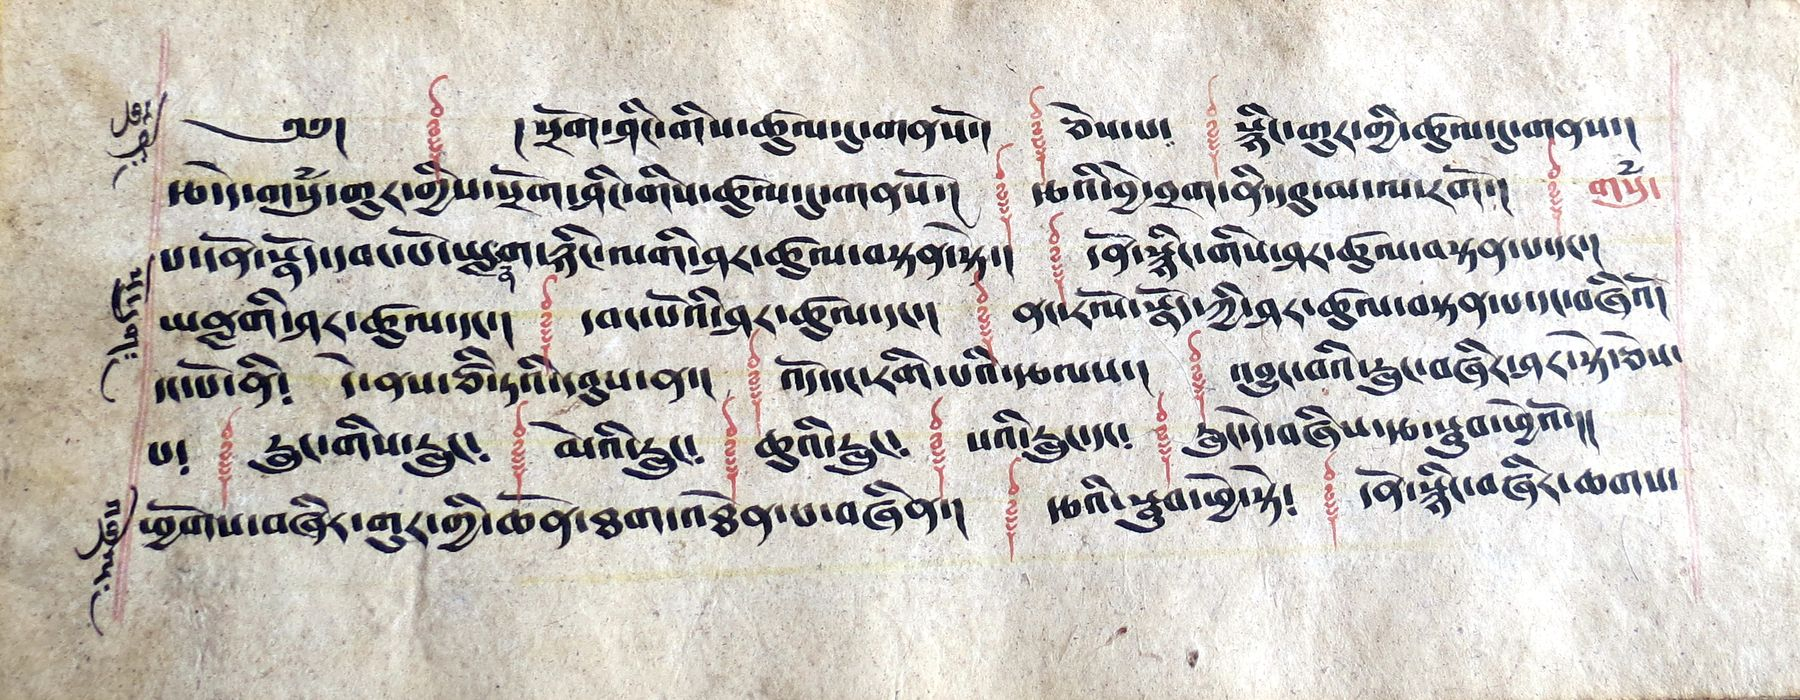སྲོག་ཤིང་གི་ཚུལ་དུ་གནས་སོ། །ཞེས་པས། སྙིང་གུར་གྱི་ཚུལ་དུ་གནས། རྩ་དེ་གསུམ་གུར་གྱི་སྲོག་ཤིང་ཚུལ་དུ་གནས་སོ། 
།རྩ་དེ་གསུམ་གྱུར་གྱིས་བྱེ་བྲག་ཤིང་གིས་ཚུལ་དུ་གནས་། རྩའི་བྱེ་ནི་དབུ་མ་བྲག་ནི་དབུ་མ་ལ་རིག ། གསུམ་
པ་དོན་སྣོད་དབང་པོ་ཡན་ལག་ཉིང་ལག་གི་ཤར་ཚུལ་བསྟན་ཏེ། དོན་སྙིང་གི་ཤར་ཚུལ་བསྟན་པ་དང་། 
ཡན་ལག་གི་ཤར་ཚུལ་དང་། དབང་པོའི་ཤར་ཚུལ་དང་། ནང་གྲོལ་སྣོད་ཀྱི་ཤར་ཚུལ་བསྟན་པ་དང་བཞིའོ། །
དང་པོ་ནི། དེ་ནས་ཙི་ཏའི་དབུས་ནས། འོད་དང་རིག་པའི་རྩལ་ལས། འབྱུང་བའི་རླུང་བཞི་ཤར་ཏེ། །ཞེས་
པས། རླུང་གི་རླུང་། མེའི་རླུང་། ཆུའི་རླུང་། སའི་རླུང་དང། རླུང་དེ་བཞིས་རྩ་སྦུབས་ཕྱེའོ། །
ཕྱོགས་བཞིར་གུར་གྱི་ཆོན་ཐག་འཐེན་པ་བཞིན་རྩའི་སྦུབས་ཕྱེས་ཏེ། དོན་སྙིང་བཞིར་ཆགས་